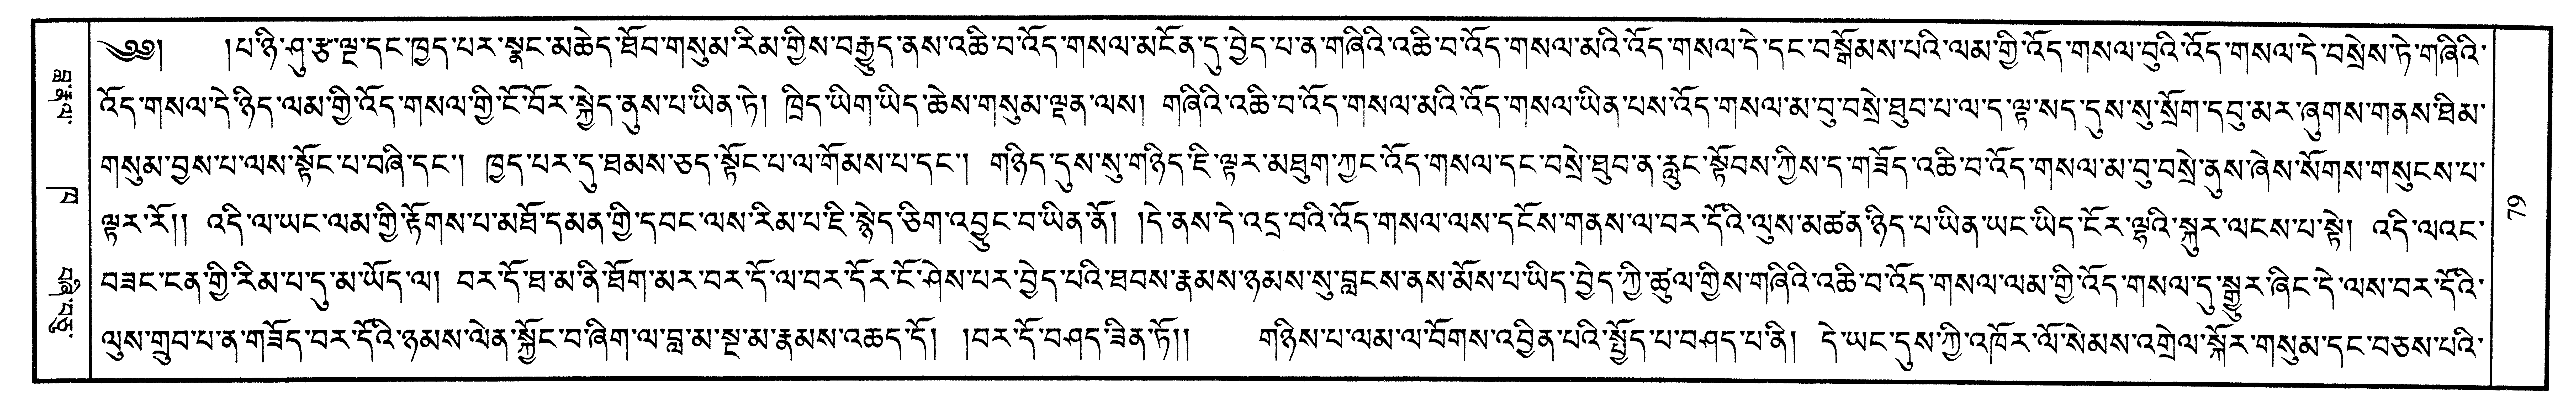༄༅། །པ་ཉི་ཤུ་རྩ་ལྔ་དང་ཁྱད་པར་སྣང་མཆེད་ཐོབ་གསུམ་རིམ་གྱིས་བརྒྱུད་ནས་འཆི་བ་འོད་གསལ་མངོན་དུ་བྱེད་པ་ན་གཞིའི་འཆི་བ་འོད་གསལ་མའི་འོད་གསལ་དེ་དང་བསྒོམས་པའི་ལམ་གྱི་འོད་གསལ་བུའི་འོད་གསལ་དེ་བསྲེས་ཏེ་གཞིའི་
འོད་གསལ་དེ་ཉིད་ལམ་གྱི་འོད་གསལ་གྱི་ངོ་བོར་སྐྱེད་ནུས་པ་ཡིན་ཏེ། ཁྲིད་ཡིག་ཡིད་ཆེས་གསུམ་ལྡན་ལས། གཞིའི་འཆི་བ་འོད་གསལ་མའི་འོད་གསལ་ཡིན་པས་འོད་གསལ་མ་བུ་བསྲེ་ཐུབ་པ་ལ་ད་ལྟ་སད་དུས་སུ་སྲོག་དབུ་མར་ཞུགས་གནས་ཐིམ་
གསུམ་བྱས་པ་ལས་སྟོང་པ་བཞི་དང་། ཁྱད་པར་དུ་ཐམས་ཅད་སྟོང་པ་ལ་གོམས་པ་དང་། གཉིད་དུས་སུ་གཉིད་ཇི་ལྟར་མཐུག་ཀྱང་འོད་གསལ་དང་བསྲེ་ཐུབ་ན་རླུང་སྟོབས་ཀྱིས་ད་གཟོད་འཆི་བ་འོད་གསལ་མ་བུ་བསྲེ་ནུས་ཞེས་སོགས་གསུངས་པ་
ལྟར་རོ།། འདི་ལ་ཡང་ལམ་གྱི་རྟོགས་པ་མཐོ་དམན་གྱི་དབང་ལས་རིམ་པ་ཇི་སྙེད་ཅིག་འབྱུང་བ་ཡིན་ནོ། །དེ་ནས་དེ་འདྲ་བའི་འོད་གསལ་ལས་དངོས་གནས་ལ་བར་དོའི་ལུས་མཚན་ཉིད་པ་ཡིན་ཡང་ཡིད་ངོར་ལྷའི་སྐུར་ལངས་པ་སྟེ། འདི་ལའང་
བཟང་ངན་གྱི་རིམ་པ་དུ་མ་ཡོད་ལ། བར་དོ་ཐ་མ་ནི་ཐོག་མར་བར་དོ་ལ་བར་དོར་ངོ་ཤེས་པར་བྱེད་པའི་ཐབས་རྣམས་ཉམས་སུ་བླངས་ནས་མོས་པ་ཡིད་བྱེད་ཀྱི་ཚུལ་གྱིས་གཞིའི་འཆི་བ་འོད་གསལ་ལམ་གྱི་འོད་གསལ་དུ་སྒྱུར་ཞིང་དེ་ལས་བར་དོའི་
ལུས་གྲུབ་པ་ན་གཟོད་བར་དོའི་ཉམས་ལེན་སྐྱོང་བ་ཞིག་ལ་བླ་མ་སྔ་མ་རྣམས་འཆད་དོ། །བར་དོ་བཤད་ཟིན་ཏོ།། གཉིས་པ་ལམ་ལ་བོགས་འབྱིན་པའི་སྤྱོད་པ་བཤད་པ་ནི། དེ་ཡང་དུས་ཀྱི་འཁོར་ལོ་སེམས་འགྲེལ་སྐོར་གསུམ་དང་བཅས་པའི་